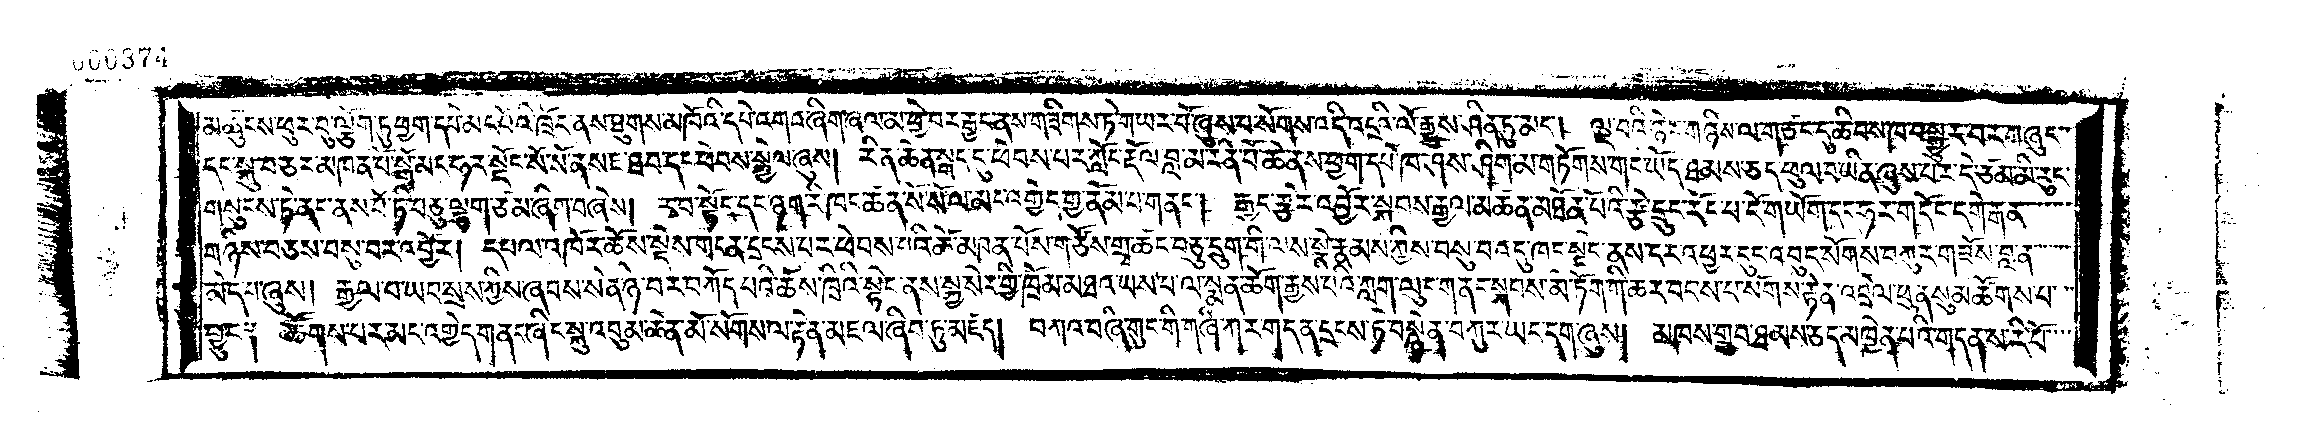མཚུངས་ཕུར་བུ་ལྕོག་ཏུ་ཕྱག་དཔེ་མང་པོའི་ཁྲོད་ནས་ཐུགས་མཁོའི་དཔེ་འགའ་ཞིག་ཞལ་མ་ཕྱེ་བར་རྒྱད་ནས་གཟིགས་ཏེ་གཡར་པོ་ཞུས་པ་སོགས་འདི་འདྲའི་ལོ་རྒྱུས་ཤིན་ཏུ་མང་། ལྔ་པའི་ཉེར་གཉིས་ལ་གཙང་དུ་ཆིབས་ཁ་བསྒྱུར་བར་གཞུང་
དང་སྐུ་བཅར་མཁན་པོ་སྒོ་མང་ཧར་སྡོང་སོ་སོ་ནས་ཇ་ཐབ་དང་ཕེབས་སྐྱེལ་ཞུས། རིན་ཆེན་སྒང་དུ་ཕེབས་པར་ཀློང་རྡོལ་བླ་མ་རིན་པོ་ཆེ་ནས་ཕྱག་དཔེ་ཁ་ཤས་ཤིག་མ་གཏོགས་གང་ཡོད་ཐམས་ཅད་ཕུལ་བ་ཡིན་ཞུས་པར་དེ་ཙམ་མི་རུང་
གསུངས་ཏེ་ནང་ནས་པོ་ཏི་བཅུ་ལྷག་ཙམ་ཞིག་བཞེས། རྭ་བ་སྟོད་དང་ཉག་རི་ཁང་ཚན་སོ་སོ་ལ་མང་འགྱེད་གྱ་ནོམ་པ་གནང་། རྒྱང་རྩེར་འབྱོར་སྐབས་རྒྱལ་མཚན་མཐོན་པོའི་རྩེ་དྲུང་རོང་པ་ངོ་གཡོག་དང་ཧར་གདོང་དགེ་རྒན་
གཉིས་བཅས་བསུ་བར་འབྱོར། དཔལ་འཁོར་ཆོས་སྡེས་གདན་དྲངས་པར་ཕེབས་པའི་ཚེ་མཁན་པོས་གཙོས་གྲྭ་ཚང་བཅུ་དྲུག་གི་ལས་སྣེ་རྣམས་ཀྱིས་བསུ་བ་འདུ་ཁང་སྟེང་ནས་དར་འཕྱར་དུང་འབུད་སོགས་བཀུར་གཟོས་བླ་ན་
མེད་བ་ཞུས། རྒྱལ་བ་ཡབ་སྲས་ཀྱིས་ཞབས་སེན་ཉེ་བར་བཀོད་པའི་ཆོས་ཁྲིའི་སྟེང་ནས་སྐྱ་སེར་གྱི་ཁྲོམ་མཐའ་ཡས་པ་ལ་སྨན་ཆོག་རྒྱས་པའི་ཀླག་ལུང་གནང་སྐབས་མེ་ཏོག་གི་ཆར་བབས་པ་སོགས་རྟེན་འབྲེལ་ཕུན་སུམ་ཚོགས་པ་
བྱུང༑ ཚོགས་པར་མང་འགྱེད་གནང་ཞིང་སྐུ་འབུམ་ཆེན་མོ་སོགས་ལ་རྟེན་མཇལ་ཞིབ་ཏུ་མཛད། བཀའ་བཞི་གུང་གི་གཞི་ཀར་གདན་དྲངས་ཏེ་བསྙེན་བཀུར་ཡང་དག་ཞུས། མཁས་གྲུབ་ཐམས་ཅད་མཁྱེན་པའི་གདན་ས་རི་པོ་